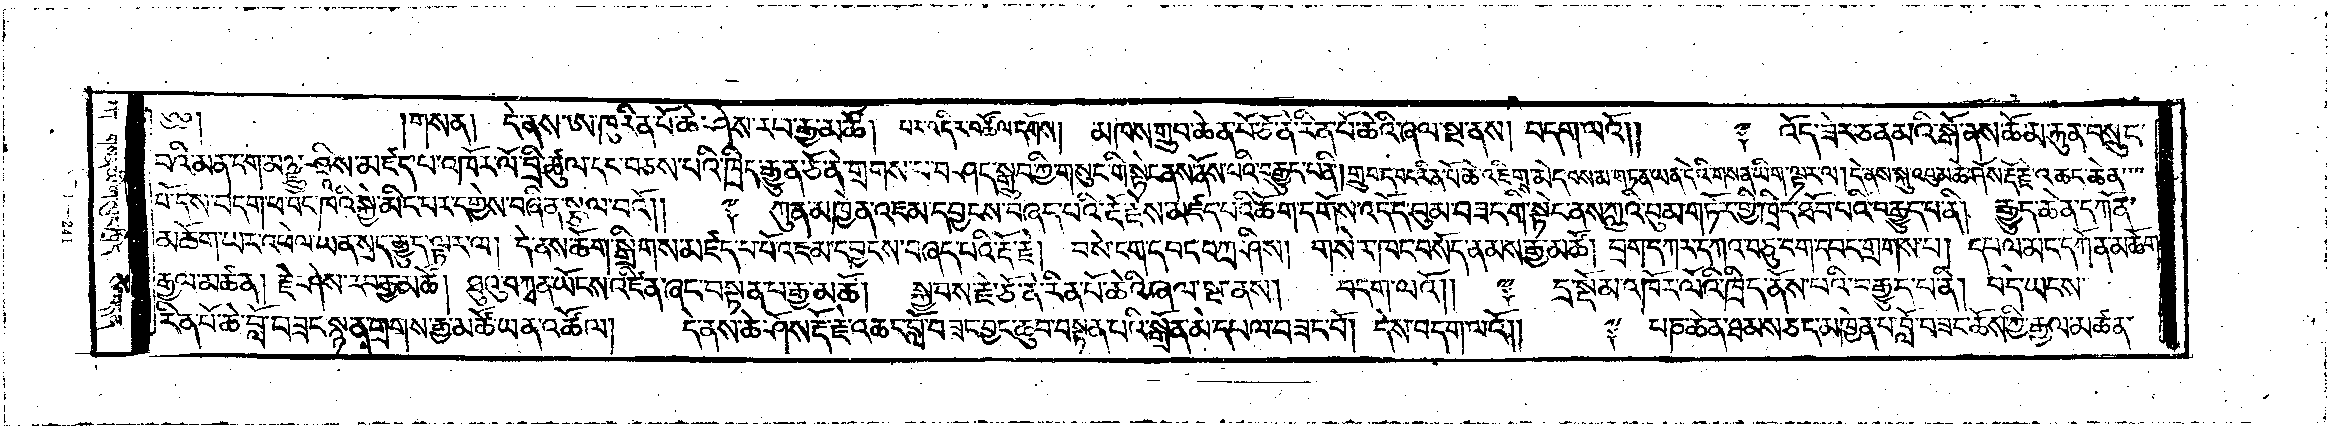༄༅། །གསན། དེ་ནས་ཨ་ཁུ་རིན་པོ་ཆེ་ཤེས་རབ་རྒྱ་མཚོ། པར་འདིར་འཚོལ་དགོས།  མཁས་གྲུབ་ཆེན་པོ་ཅོ་ནེ་རིན་པོ་ཆེའི་ཞལ་སྔ་ནས། བདག་ལའོ།། འ་འོད་ཟེར་ཅན་མའི་སྒོ་ནས་ཆོ་མ་རྐུན་བསྲུང་
བའི་མན་ངག་མཉྫུ་ཤྲཱིས་མཛད་པ་འཁོར་ལོ་བྲི་ཚུལ་དང་བཅས་པའི་ཁྲིད་རྒྱུན་ཅོ་ནེ་གྲགས་པ་བཤད་སྒྲུབ་ཀྱི་གསུང་གི་སྟེང་ནས་ནོས་པའི་བརྒྱུད་པ་ནི། གྲུབ་དབང་རིན་པོ་ཆེ་འཇིག་མེད་བསམ་གཏན་ཡན་དེའི་གསན་ཡིག་ལྟར་།དེ་ནས་སྐུ་འབུམ་ཆེ་ཤོས་རྡོ་རྗེ་འཆང་ཆེན
བོ་དེས་བདག་ཕ་བོང་ཁས་སྐྱེ་མིང་པར་དགྱེས་བཞིན་སྩལ་བའོ།། འ་ཀུན་མཁྱེན་འཇམ་དབྱངས་བཞད་པའི་རྡོ་རྗེས་མཛད་པའི་ཆོ་ག་དགོས་འདོད་བུམ་བཟང་གི་སྟེང་ནས་ཀླུའི་བུམ་གཏོར་གྱི་ཁྲིད་ཐོབ་པའི་བརྒྱུད་པ་ནི། རྒྱུད་ཆེན་དཀོན་
མཆོག་ཡར་འཕེལ་ཡན་སྲད་རྒྱུད་ལྟར་ལ། དེ་ནས་ཆོག་སྒྲིགས་མཛད་པ་པོ་འཇམ་དབྱངས་བཞད་པའི་རྡོ་རྗེ། བསེ་ངག་དབང་བཀྲ་ཤིས། གསེར་ཁང་བསོད་ནམས་རྒྱ་མཚོ། བྲག་དཀར་དཀའ་བཅུ་ངག་དབང་གྲགས་པ། དཔལ་མང་དཀོན་མཆོག་
རྒྱལ་མཚན། རྗེ་ཤེས་རབ་རྒྱ་མཚོ། ཐུའུ་བཀྭན་ཡོངས་འཛིན་ཞང་བསྟན་པ་རྒྱ་མཚོ། སྐྱབས་རྗེ་ཅོ་ནེ་རིན་པོ་ཆེའི་ཞལ་སྔ་ནས། བདག་ལའོ།། འ་དྲ་སྡོམ་འཁོར་ལོའི་ཁྲིད་ནོས་པའི་བརྒྱུད་པ་ནི། བདེ་ཡངས་
རིན་པོ་ཆེ་བློ་བཟང་སྙན་གྲགས་རྒྱ་མཚོ་ཡན་འཚོལ། དེ་ནས་ཆེ་ཤོས་རྡོ་རྗེ་འཆང་བློ་བཟང་བྱང་ཆུབ་བསྟན་པའི་སྒྲོན་མེ་དཔལ་བཟང་པོ། དེས་བདག་ལའོ།། འ་པཎ་ཆེན་ཐམས་ཅད་མཁྱེན་པ་བློ་བཟང་ཆོས་ཀྱི་རྒྱལ་མཚན་